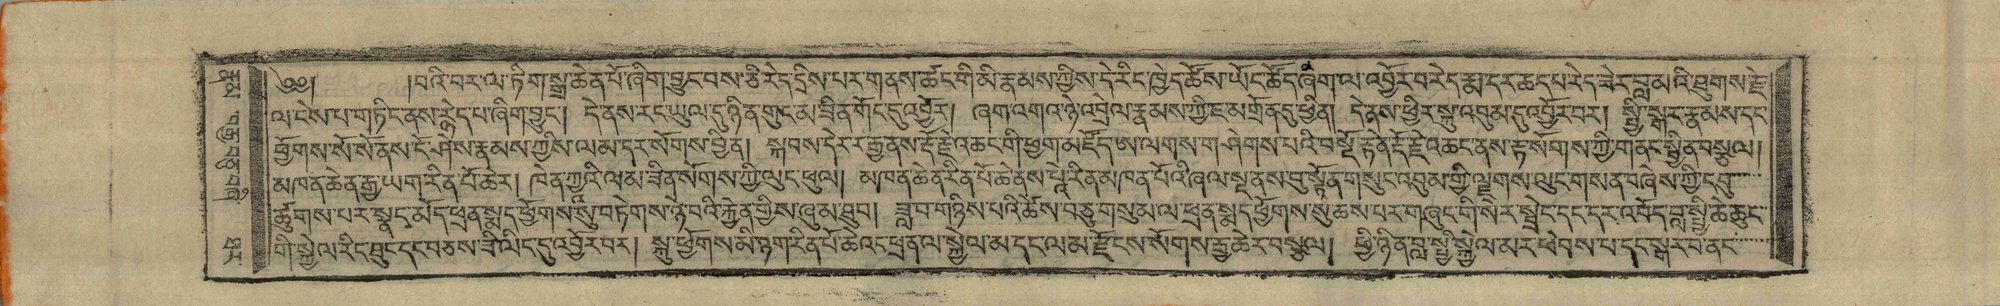༄༅། །བའི་བར་ལ་ཏིག་སྒྲ་ཆེན་པོ་ཞིག་བྱུང་བས་ཅི་རེད་དྲིས་པར་གནས་ཚང་གི་མི་རྣམས་ཀྱིས་དེ་རིང་ཁྱེད་ཚོས་ཡོང་ཚོད་ཞིག་ལ་འབྱོར་བ་རེད་རྨ་དར་ཆད་པ་རེད་ཟེར་བླ་མའི་ཐུགས་རྗེ་
ལ་ངེས་པ་གཏིང་ནས་རྙེད་པ་ཞིག་བྱུང་། དེ་ནས་རང་ཡུལ་དུ་ཉིན་གུང་མ་ཟིན་གོང་དུ་འབྱོར། ཞག་འགའ་ཉེ་འབྲེལ་རྣམས་ཀྱི་ཇ་མགྲོན་དུ་ཕྱིན། དེ་ནས་ཕྱིར་སྐུ་འབུམ་དུ་འབྱོར་བར། སྤྱི་སྒར་རྣམས་དང་
ཕྱོགས་སོ་སོ་ནས་ངོ་ཤེས་རྣམས་ཀྱིས་ལམ་དར་སོགས་བྱིན། སྐབས་དེར་ར་རྒྱ་ནས་རྡོ་རྗེ་འཆང་གི་ཕྱག་མཛོད་ཨ་ལགས་གཤེགས་པའི་བསྔོ་རྟེན་རྡོ་རྗེ་འཆང་ནས་རྟ་སོགས་ཀྱི་གནང་སྦྱིན་བསྩལ།
མཁན་ཆེན་རྒྱ་ཡག་རིན་པོ་ཆེར། ཁེན་ཀྱཱའི་ལམ་ཟིན་སོགས་ཀྱི་ལུང་ཕུལ། མཁན་ཆེན་རིན་པོ་ཆེ་ནས་པE་རིན་མཁན་པོའི་ཞལ་སྔ་ནས་བུ་སྟོན་གསུང་འབུམ་གྱི་ལྗགས་ལུང་གསན་བཞེས་ཀྱི་དབུ་
ཚུགས་པར་སྣང་མོད་ཕྲན་སྨད་ཕྱོགས་སུ་བཏེགས་ཉེ་བའི་རྐྱེན་གྱིས་ཞུ་མ་ཐུབ། ཟླ་བ་གཉིས་པའི་ཚེས་བཅུ་གསུམ་ལ་ཕྲན་སྨད་ཕྱོགས་སུ་ཆས་པར་གཞུང་གི་སེར་སྦྲེང་དང་དར་འབོད་བླ་སྤྱི་ཆེ་ཆུང་
གི་སྐྱིལ་རིང་ཐུང་དང་བཅས་ཟི་ལིང་དུ་འབྱོར་བར། སྐུ་ཕྱོགས་མི་ཉག་རིན་པོ་ཆེའང་ཕྲན་ལ་སྐྱེལ་མ་དང་ལམ་རྫོངས་སོགས་རྒྱ་ཆེར་བསྩལ། ཕྱི་ཉིན་བླ་སྤྱི་སྐྱེལ་མར་ཕེབས་པ་དང་སྒར་བ་ནང་